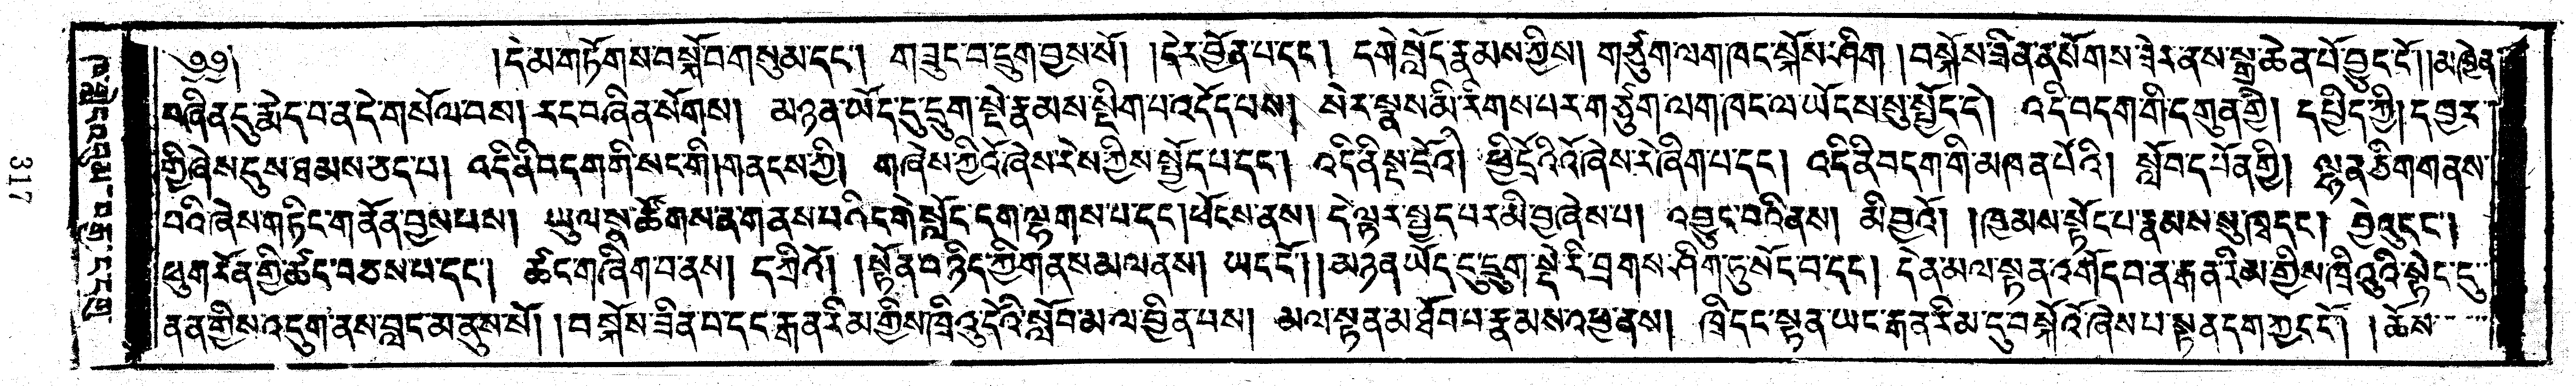༄༅། །དེ་མ་གཏོགས་བསྐོ་བ་གསུམ་དང་། གཟུང་བ་དྲུག་བྱས་སོ། །དེར་བྱོན་པ་དང་། དགེ་སློང་རྣམས་ཀྱིས། གཙུག་ལག་ཁང་སྐོས་ཤིག །བསྐོས་ཟིན་ན་སོགས་ཟེར་ནས་སྒྲ་ཆེན་པོ་བྱུང་ངོ། །མཁྱེན་
བཞིན་དུ་རྨེད་པ་ན་དེ་གསོལ་བས། རང་བཞིན་སོགས། མཉན་ཡོད་དུ་དྲུག་སྡེ་རྣམས་སྡིག་བ་འདོད་པས། སེར་སྣས་མི་རིགས་པར་གཙུག་ལག་ཁང་ལ་ཡོངས་སུ་སྤྱོད་དེ། འདི་བདག་གི་དགུན་གྱི། དཔྱོད་ཀྱི། དབྱར་
གྱི་ཞེས་དུས་ཐམས་ཅད་པ། འདི་ནི་བདག་གི་སང་གི །གནངས་ཀྱི། གཞེས་ཀྱིའོ་ཞེས་རེས་ཀྱིས་སྤྱོད་པ་དང་། འདི་ནི་སྔ་དྲོའི། ཕྱི་དྲོའིའོ་ཞེས་རེ་ཞིག་པ་དང་། འདི་ནི་བདག་གི་མཁན་པོའི། སློབ་དཔོན་གྱི། ལྷན་ཅིག་གནས་
བའི་ཞེས་གཏིང་གནོན་བྱས་པས། ཡུལ་སྣ་ཚོགས་ན་གནས་པའི་དགེ་སློང་ངག་ལྷགས་པ་དང་། ཕོངས་ནས། དེ་ལྟར་སྤྱད་པར་མི་བྱ་ཞེས་པ། འབྱུང་བའི་ནས། མི་བྱའོ། །ཁྱམས་སྟོང་པ་རྣམས་སུ་ཁྭ་དང་། བྱེའུ་དང་།
ཕུག་རོན་གྱི་ཚང་བཅས་པ་དང་། ཚང་གཞིག་བ་ནས། དཀྲིའོ། །སྟོན་པ་ཉིད་ཀྱི་གནས་མལ་ནས། ཡང་ངོ། །མཉན་ཡོད་དུ་དྲུག་སྡེ་རི་བྲགས་ཤིག་ཏུ་སོང་བ་དང་། དེ་ན་མལ་སྟན་འགོད་བ་ན་རྒན་རིམ་གྱིས་ཁྲིའུའི་སྟེང་དུ་
ནན་གྱིས་འདུག་ནས་བླང་མ་ནུས་སོ། །བསྐོས་ཟིན་པ་དང་རྒན་རིམ་གྱིས་ཁྲིའུ་དེའི་སློབ་མ་ལ་བྱིན་པས། མལ་སྟན་མ་ཐོབ་པ་རྣམས་འཕྱ་ནས། ཁྲི་དང་སྟན་ཡང་རྒན་རིམ་དུ་བསྐོའོ་ཞེས་པ་སྟན་དག་ཀྱང་ངོ། །ཆོས་